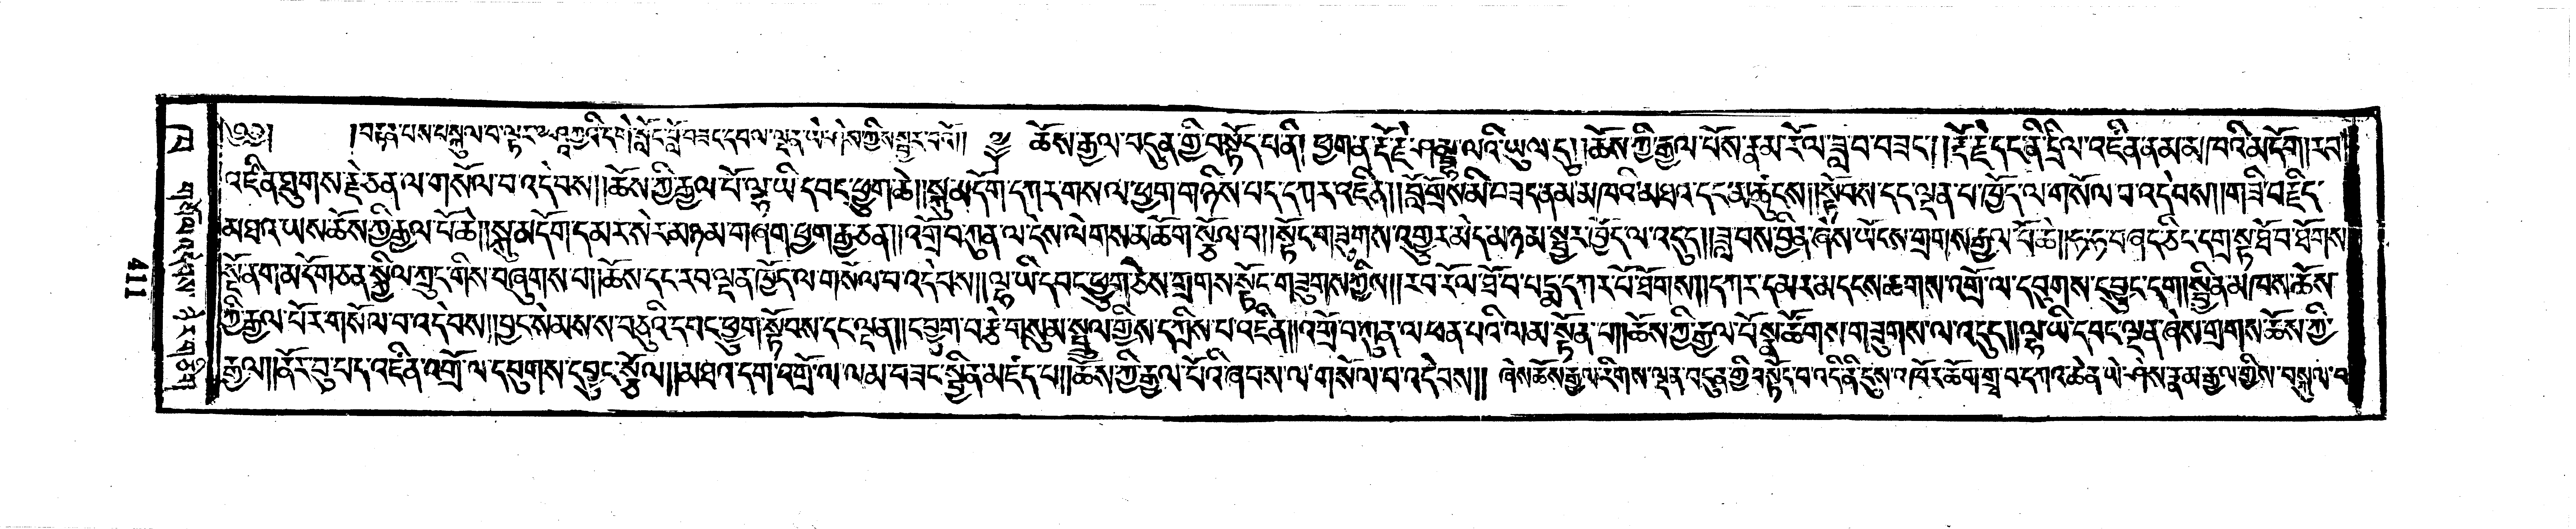༄༅། །བརྟན་པས་བསྐུལ་བ་ལྟར་༧་ཤཱཀྱའི་དགེ་སློང་བློ་བཟང་དཔལ་ལྡན་ཡེ་ཤེས་ཀྱིས་སྦྱར་བའོ།། ༈ ཆོས་རྒྱལ་བདུན་གྱི་བསྟོད་པ་ནི། ཕྱག་ན་རྡོ་རྗེ་ཤམྦྷ་ལའི་ཡུལ་དུ། །ཆོས་ཀྱི་རྒྱལ་པོས་རྣམ་རོལ་ཟླ་བ་བཟང་། །རྡོ་རྗེ་དང་ནི་དྲིལ་འཛིན་ནམ་མཁའི་མདོག །རབ་
འཛིན་ཐུགས་རྗེ་ཅན་ལ་གསོལ་བ་འདེབས། །ཆོས་ཀྱི་རྒྱལ་པོ་ལྷ་ཡི་དབང་ཕྱུག་ཆེ། །སྐུ་མདོག་དཀར་གསལ་ཕྱག་གཉིས་པད་དཀར་འཛིན། །བློ་གྲོས་མི་བཟད་ནམ་མཁའི་མཐའི་དང་མཚུངས། །སྟོབས་དང་ལྡན་པ་ཁྱོད་ལ་གསོལ་བ་འདེབས། །གཟི་བརྗིད་
མཐའ་ཡས་ཆོས་ཀྱི་རྒྱལ་པོ་ཆེ། །སྐུ་མདོག་དམར་སེར་མཉམ་གཞག་ཕྱག་རྒྱ་ཅན། །འགྲོ་བ་ཀུན་ལ་དེས་ལེགས་མཆོག་སྩོལ་བ། །སྟོང་གཟུགས་འགྱུར་མེད་མཉམ་སྦྱར་ཁྱོད་ལ་འདུད། །ཟླ་བས་བྱིན་ཞེས་ཡོངས་གྲགས་རྒྱལ་པོ་ཆེ། །ཧ་ཧ་བཞད་ཅིང་དགྲ་སྟ་ཐོབ་ཐོགས་
སྔོ་ནག་མདོག་ཅན་སྐྱིལ་ཀྲུང་གིས་བཞུགས་པ། །ཆོས་དང་རབ་ལྡན་ཁྱོད་ལ་གསོལ་བ་འདེབས། །ལྷ་ཡི་དབང་ཕྱུག་ཅེས་གྲགས་སྟོང་གཟུགས་ཀྱིས། །རབ་རོལ་ཐོ་བ་པདམ་དཀར་པོ་ཐོགས། །དཀར་དམར་མདངས་ཆགས་འགྲོ་ལ་དབུགས་དབྱུང་དག །སྦྱིན་མཁས་ཆོས་
ཀྱི་རྒྱལ་པོར་གསོལ་བ་འདེབས། །བྱང་སེམས་ས་བཅུའི་དབང་ཕྱུག་སྟོབས་དང་ལྡན། །དབྱུག་བ་རྩེ་གསུམ་སྤྲུལ་གྱིས་དཀྲིས་པ་འཛིན། །འགྲོ་བ་ཀུན་ལ་ཕན་པའི་ལམ་སྟོན་པ། །ཆོས་ཀྱི་རྒྱལ་པོ་སྣ་ཚོགས་གཟུགས་ལ་འདུད། །ལྷ་ཡི་དབང་ལྡན་ཞེས་གྲགས་ཆོས་ཀྱི་
རྒྱལ། །ནོར་བུ་པད་འཛིན་འགྲོ་ལ་དབུགས་དབྱུང་སྩོལ། །མཐའ་དག་འགྲོ་ལ་ལམ་བཟང་སྦྱིན་མཛད་པ། །ཆོས་ཀྱི་རྒྱལ་པོའི་ཞབས་ལ་གསོལ་བ་འདེབས།། ཞེས་ཆོས་རྒྱལ་རིགས་ལྡན་བདུན་གྱི་བསྟོད་པ་འདི་ནི་དུས་འཁོར་ཆོག་གྲྭ་བ་དཀའ་ཆེན་ཡེ་ཤེས་རྣམ་རྒྱལ་གྱིས་བསྐུལ་བ་